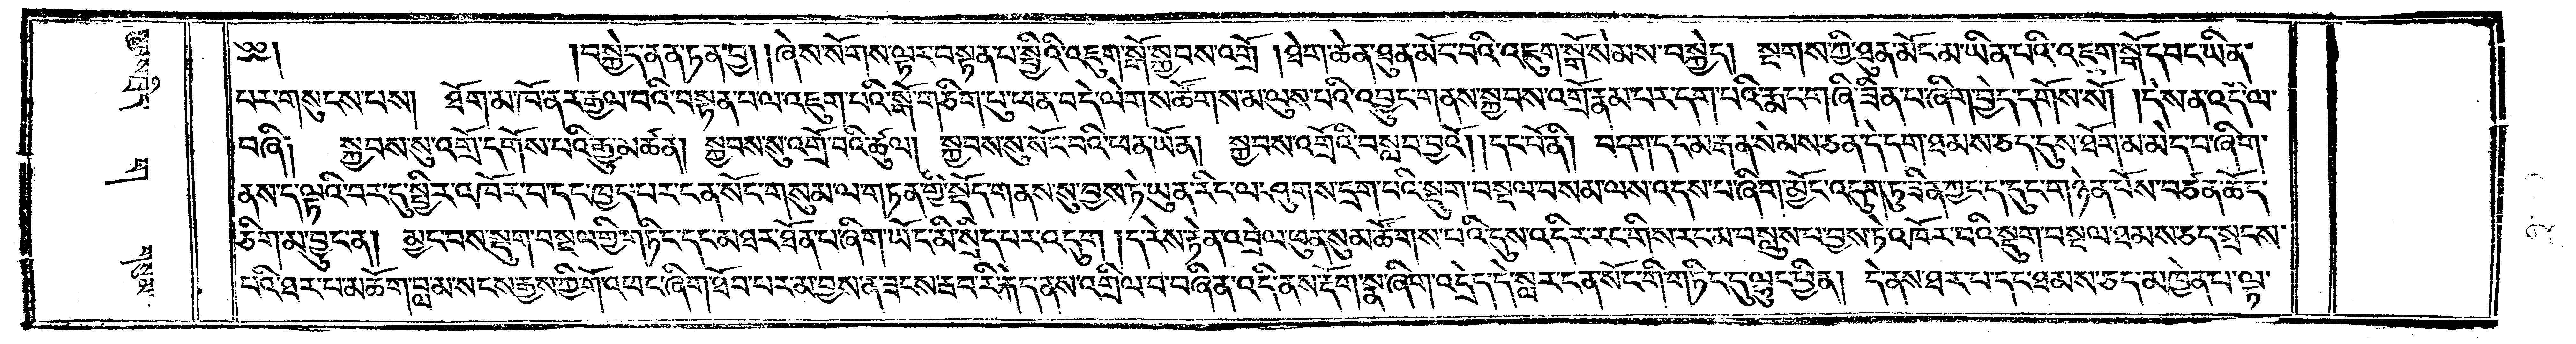༄༅། །བསྐྱེད་ནན་ཏན་བྱ། །ཞེས་སོགས་ལྟར་བསྟན་པ་སྤྱིའི་འཇུག་སྒོ་སྐྱབས་འགྲོ། ཐེག་ཆེན་ཐུན་མོང་བའི་འཇུག་སྒོ་སེམས་བསྐྱེད། སྔགས་ཀྱི་ཐུན་མོང་མ་ཡིན་པའི་འཇུག་སྒོ་དབང་ཡིན་
པར་གསུངས་པས། ཐོག་མཁོ་ནར་རྒྱལ་བའི་བསྟན་པ་ལ་འཇུག་པའི་སྒོ་གཅིག་པུ་ཕན་བདེ་ལེགས་ཚོགས་མ་ལུས་པའི་འབྱུང་གནས་སྐྱབས་འགྲོ་རྣམ་པར་དག་པའི་རྨད་གཞི་ཟིན་པ་ཞིག་བྱེད་དགོས་སོ། །དེས་ན་འདི་ལ་
བཞི༑ སྐྱབས་སུ་འགྲོ་དགོས་པའི་རྒྱུ་མཚན། སྐྱབས་སུ་འགྲོ་བའི་ཚུལ། སྐྱབས་སུ་སོང་བའི་ཕན་ཡོན། སྐྱབས་འགྲོའི་བསླབ་བྱའོ། །དང་པོ་ནི། བདག་དང་མྲྒན་སེམས་ཅན་དེ་དག་ཐམས་ཅད་དུས་ཐོག་མ་མེད་པ་ཞིག་
ནས་ད་ལྟའི་བར་དུ་སྤྱིར་འཁོར་བ་དང་ཁྱད་པར་ངན་སོང་གསུམ་ལ་གཏན་གྱི་སྡོད་གནས་སུ་བྱས་ཏེ་ཡུན་རིང་ལ་ཤུགས་དྲག་པའི་སྡུག་བསྔལ་བསམ་ལས་འདས་པ་ཞིག་མྱོང་འདུག་ཏུ་ཟིན་ཀྱང་ད་དུང་གཉེན་པོས་བཅན་ཆོད་
ཅིག་མ་བྱུང་ན། མྱང་པས་སྡུག་བསྔལ་གྱི་གཏེང་དང་མཐར་ཐོན་པ་ཞིག་ཡོད་མི་སྲིད་པར་འདུག །ད་རེས་རྟེན་འབྲེལ་ཕུན་སུམ་ཚོགས་པའི་དུས་འདིར་རང་གིས་རང་མ་བསླུས་པ་བྱས་ཏེ་འཁོར་བའི་སྡུག་བསྔལ་ཐམས་ཅད་སྤངས་
པའི་ཐར་པ་མཆོག་བླ་མ་སངས་རྒྱས་ཀྱི་གོ་འཕང་ཞིག་ཐོབ་པར་མ་བྱས་ན་ཟངས་རྦབ་རི་རྐེད་ནས་འགྲིལ་པ་བཞིན་འདི་ནས་རྡོག་སྣ་ཞིག་འདྲེད་དེ་སླར་ངན་སོང་གི་གཏིང་དུ་ལྷུང་ཕྱིན། དེ་ནས་ཐར་པ་དང་ཐམས་ཅད་མཁྱེན་པ་ལྟ་